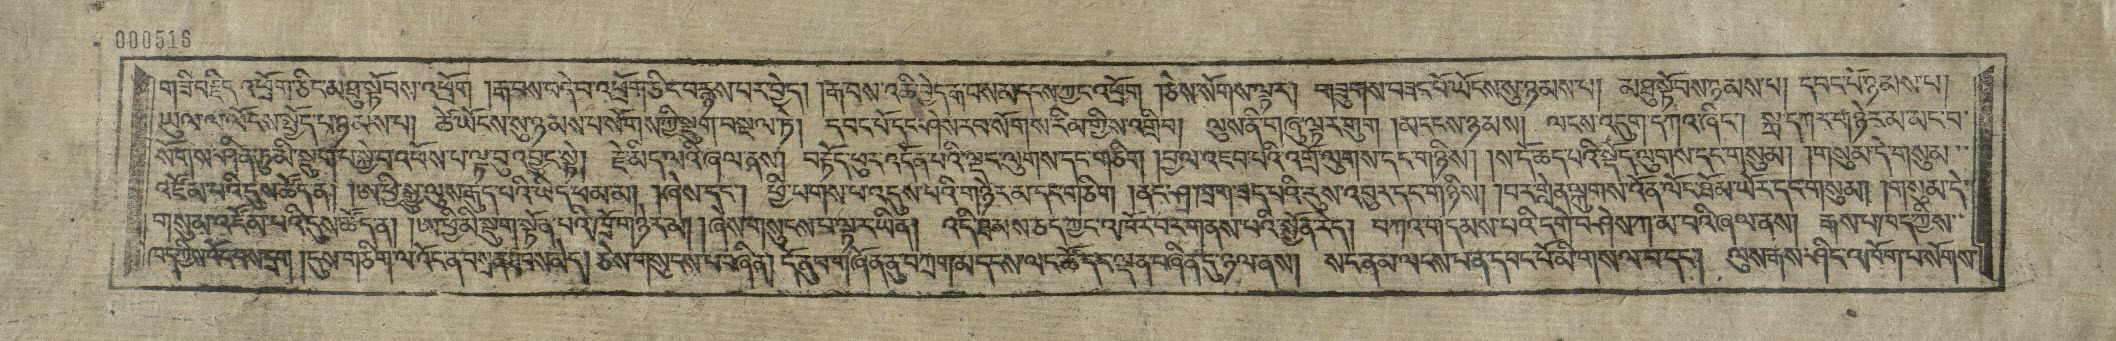གཟི་བརྗིད་འཕྲོག་ཅིང་མཐུ་སྟོབས་འཕྲོག །རྒ་བས་བདེ་བ་འཕྲོག་ཅིང་བརྙས་པར་བྱེད། །རྒ་བས་འཆི་བྱེད་རྒ་བས་མདངས་ཀྱང་འཕྲོག །ཅེས་སོགས་ལྟར། གཟུགས་བཟང་པོ་ཡོངས་སུ་ཉམས་པ། མཐུ་སྟོབས་ཉམས་པ། དབང་པོ་ཉམས་པ།
ཡུལ་ལ་ལོངས་སྤྱོད་པ་ཉམས་པ། ཚེ་ཡོངས་སུ་ཉམས་པ་སོགས་ཀྱི་སྡུག་བསྔལ་ཏེ། དབང་པོ་དང་ཤེས་རབ་སོགས་རིམ་གྱིས་འགྲིབ། ལུས་ནི་གཞུ་ལྟར་གུག །མདངས་ཉམས། ལངས་འདུག་དཀའ་ཞིང་། སྐྲ་དཀར་གཉེར་མ་མང་བ་
སོགས་ཤིན་ཏུ་མི་སྡུག་པ་སྐྱེ་བ་འཕོས་པ་ལྟ་བུ་འབྱུང་སྟེ། རྗེ་མིད་ལའི་ཞལ་ནས། བརྟོད་ཕུར་འདོན་པའི་ལྡང་ལུགས་དང་གཅིག །བྱ་ལ་འཇབ་པའི་འགྲོ་ལུགས་དང་གཉིས། །ས་དོ་ཆད་པའི་སྡོད་ལུགས་དང་གསུམ། །གསུམ་དེ་གསུམ་
འཛོམ་པའི་དུས་ཚོད་ན། །ཨ་ཕྱི་སྒྱུ་ལུས་རྒུད་པའི་ཡིད་ཕམ་མ། །ཞེས་དང་། ཕྱི་པགས་པ་འདུས་པའི་གཉེར་མ་དང་གཅིག །ནང་ཤ་ཁྲག་ཟད་པའི་རུས་འབུར་དང་གཉིས། །བར་གླེན་ལྐུགས་འོན་ལོང་ཐོམ་ཡོར་དང་གསུམ། །གསུམ་དེ་
གསུམ་འཛོམ་པའི་དུས་ཚོད་ན། །ཨ་ཕྱི་མི་སྡུག་སྟོན་པའི་ཁྲོ་གཉེར་མ། །ཞེས་གསུངས་པ་ལྟར་ཡིན། འདི་ཐམས་ཅད་ཀྱང་འཁོར་བར་གནས་པའི་སྐྱོན་རེད། བཀའ་གདམས་པའི་དགེ་བཤེས་ཀ་མ་བའི་ཞལ་ནས། རྒས་པ་ཁད་ཀྱིས་
ཁད་ཀྱིས་འོང་བས་དྲག །དུས་གཅིག་ལ་འོང་ན་བསྲན་ཐབས་མེད། ཅེས་གསུངས་པ་བཞིན། དོ་ནུབ་གཞོན་ནུ་བཀྲག་མདངས་ལང་ཚོ་དང་ལྡན་བཞིན་དུ་ཉལ་ནས། སང་ནམ་ལངས་པ་ན་དབང་པོ་མི་གསལ་བ་དང་། ལུས་རྒས་ཤིང་འཁོག་པ་སོགས་